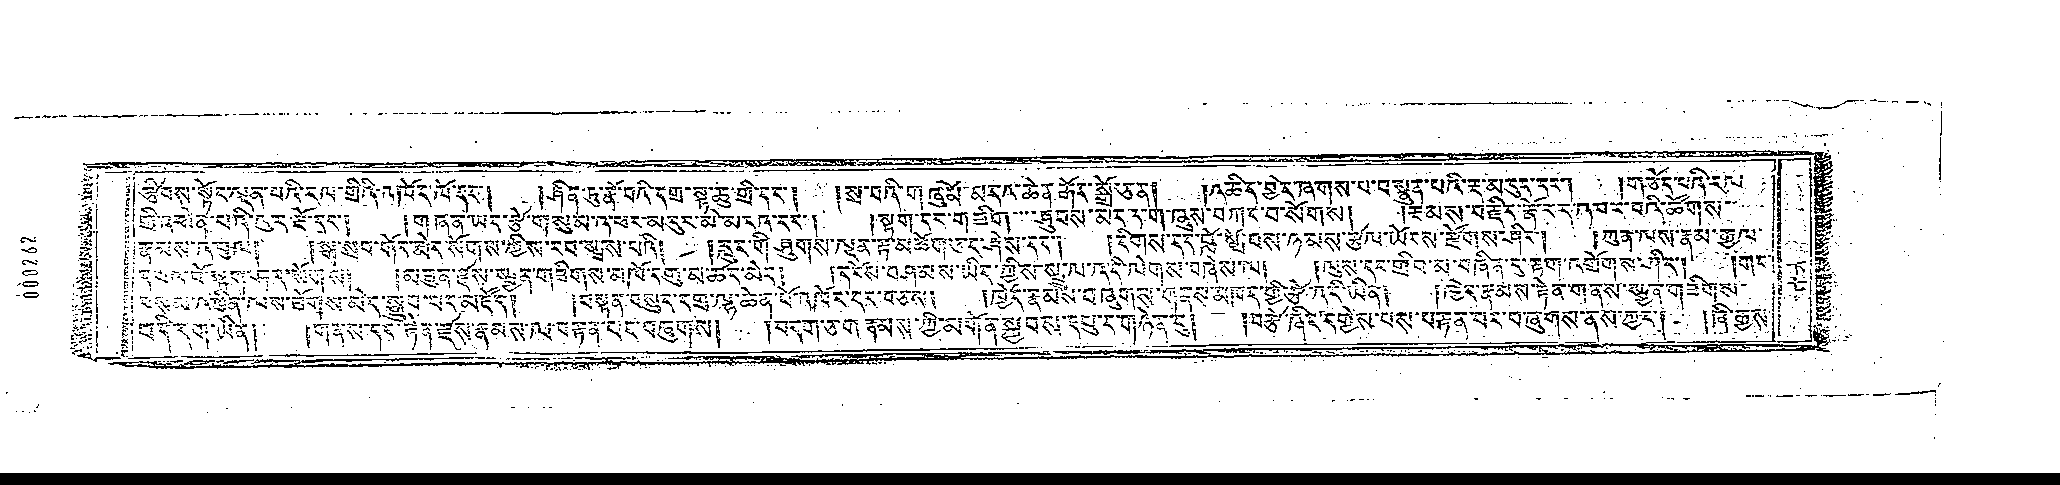རྩིབས་སྟོང་ལྡན་པའི་རལ་གྲིའི་འཁོར་ལོ་དང་། །ཤིན་ཏུ་རྣོ་བའི་དགྲ་སྟ་ཆུ་གྲི་དང་། །སྲ་བའི་གཞུ་མོ་མདའ་ཆེན་རྒོད་སྒྲོ་ཙན། །འཆིང་བྱེད་ཞགས་པ་བསྣུན་པའི་རྔ་མདུང་དང་། །གཅོད་པའི་རལ་
གྲི་འཕེན་པའི་འུར་རྡོ་དང་། །གཞན་ཡང་རྩེ་གསུམ་འཕང་མདུང་མེ་མདའ་དང་། །སྟག་དོང་གཟིག་ཤུབས་མདའ་གཞུས་བཀང་བ་སོགས། །རྔམས་བརྗིད་རྣོ་ངར་འབར་བའི་ཚོགས་
རྣམས་འབུལ། །སྒ་སྲབ་གོད་རྨེད་སོགས་ཀྱིས་རབ་སྤྲས་པའི། །རླུང་གི་ཤུགས་ལྡན་རྟ་མཆོག་ཅང་ཤེས་དང་། །རིགས་དང་བློ་སྤོབས་ཉམས་རྩལ་ཡོངས་རྫོགས་ཤིང་། །ཀུན་ལས་རྣམ་རྒྱལ་
དཔའ་བོ་སྟག་ཤར་སོགས། །མཐུན་རྫས་སྤྱན་གཟིགས་མཁོ་དགུ་མཚང་མེད། །དངོས་བཤམས་ཡིད་ཀྱིས་སྤྲུལ་འདི་ལེགས་བཞེས་ལ། །ལུས་དང་གྲིབ་མ་བཞིན་དུ་རྟག་འགྲོགས་ཤིང་། །གང་
བསམ་འཕྲིན་ལས་ཐོགས་མེད་སྒྲུབ་པར་མཛོད། །བསྟན་བསྲུང་དགྲ་ལྷ་ཆེན་པོ་འཁོར་དང་བཅས། །ཁྱེད་རྣམས་བཞུགས་གནས་མཁར་གྱི་རྩེ་འདི་ཡིན། །ཁྱེད་རྣམས་རྟེན་གནས་སྦྱན་གཟིགས་
འདི་དག་ཡིན། །གནས་དང་རྟེན་རྫས་རྣམས་ལ་བརྟན་པར་བཞུགས། །བདག་ཅག་རྣམས་ཀྱི་མགོན་སྐྱབས་དཔུང་གཉེན་དུ། །བརྩེ་ཞིང་དགྱེས་པས་བརྟན་པར་བཞུགས་ནས་ཀྱང་། །ཞི་རྒྱས་